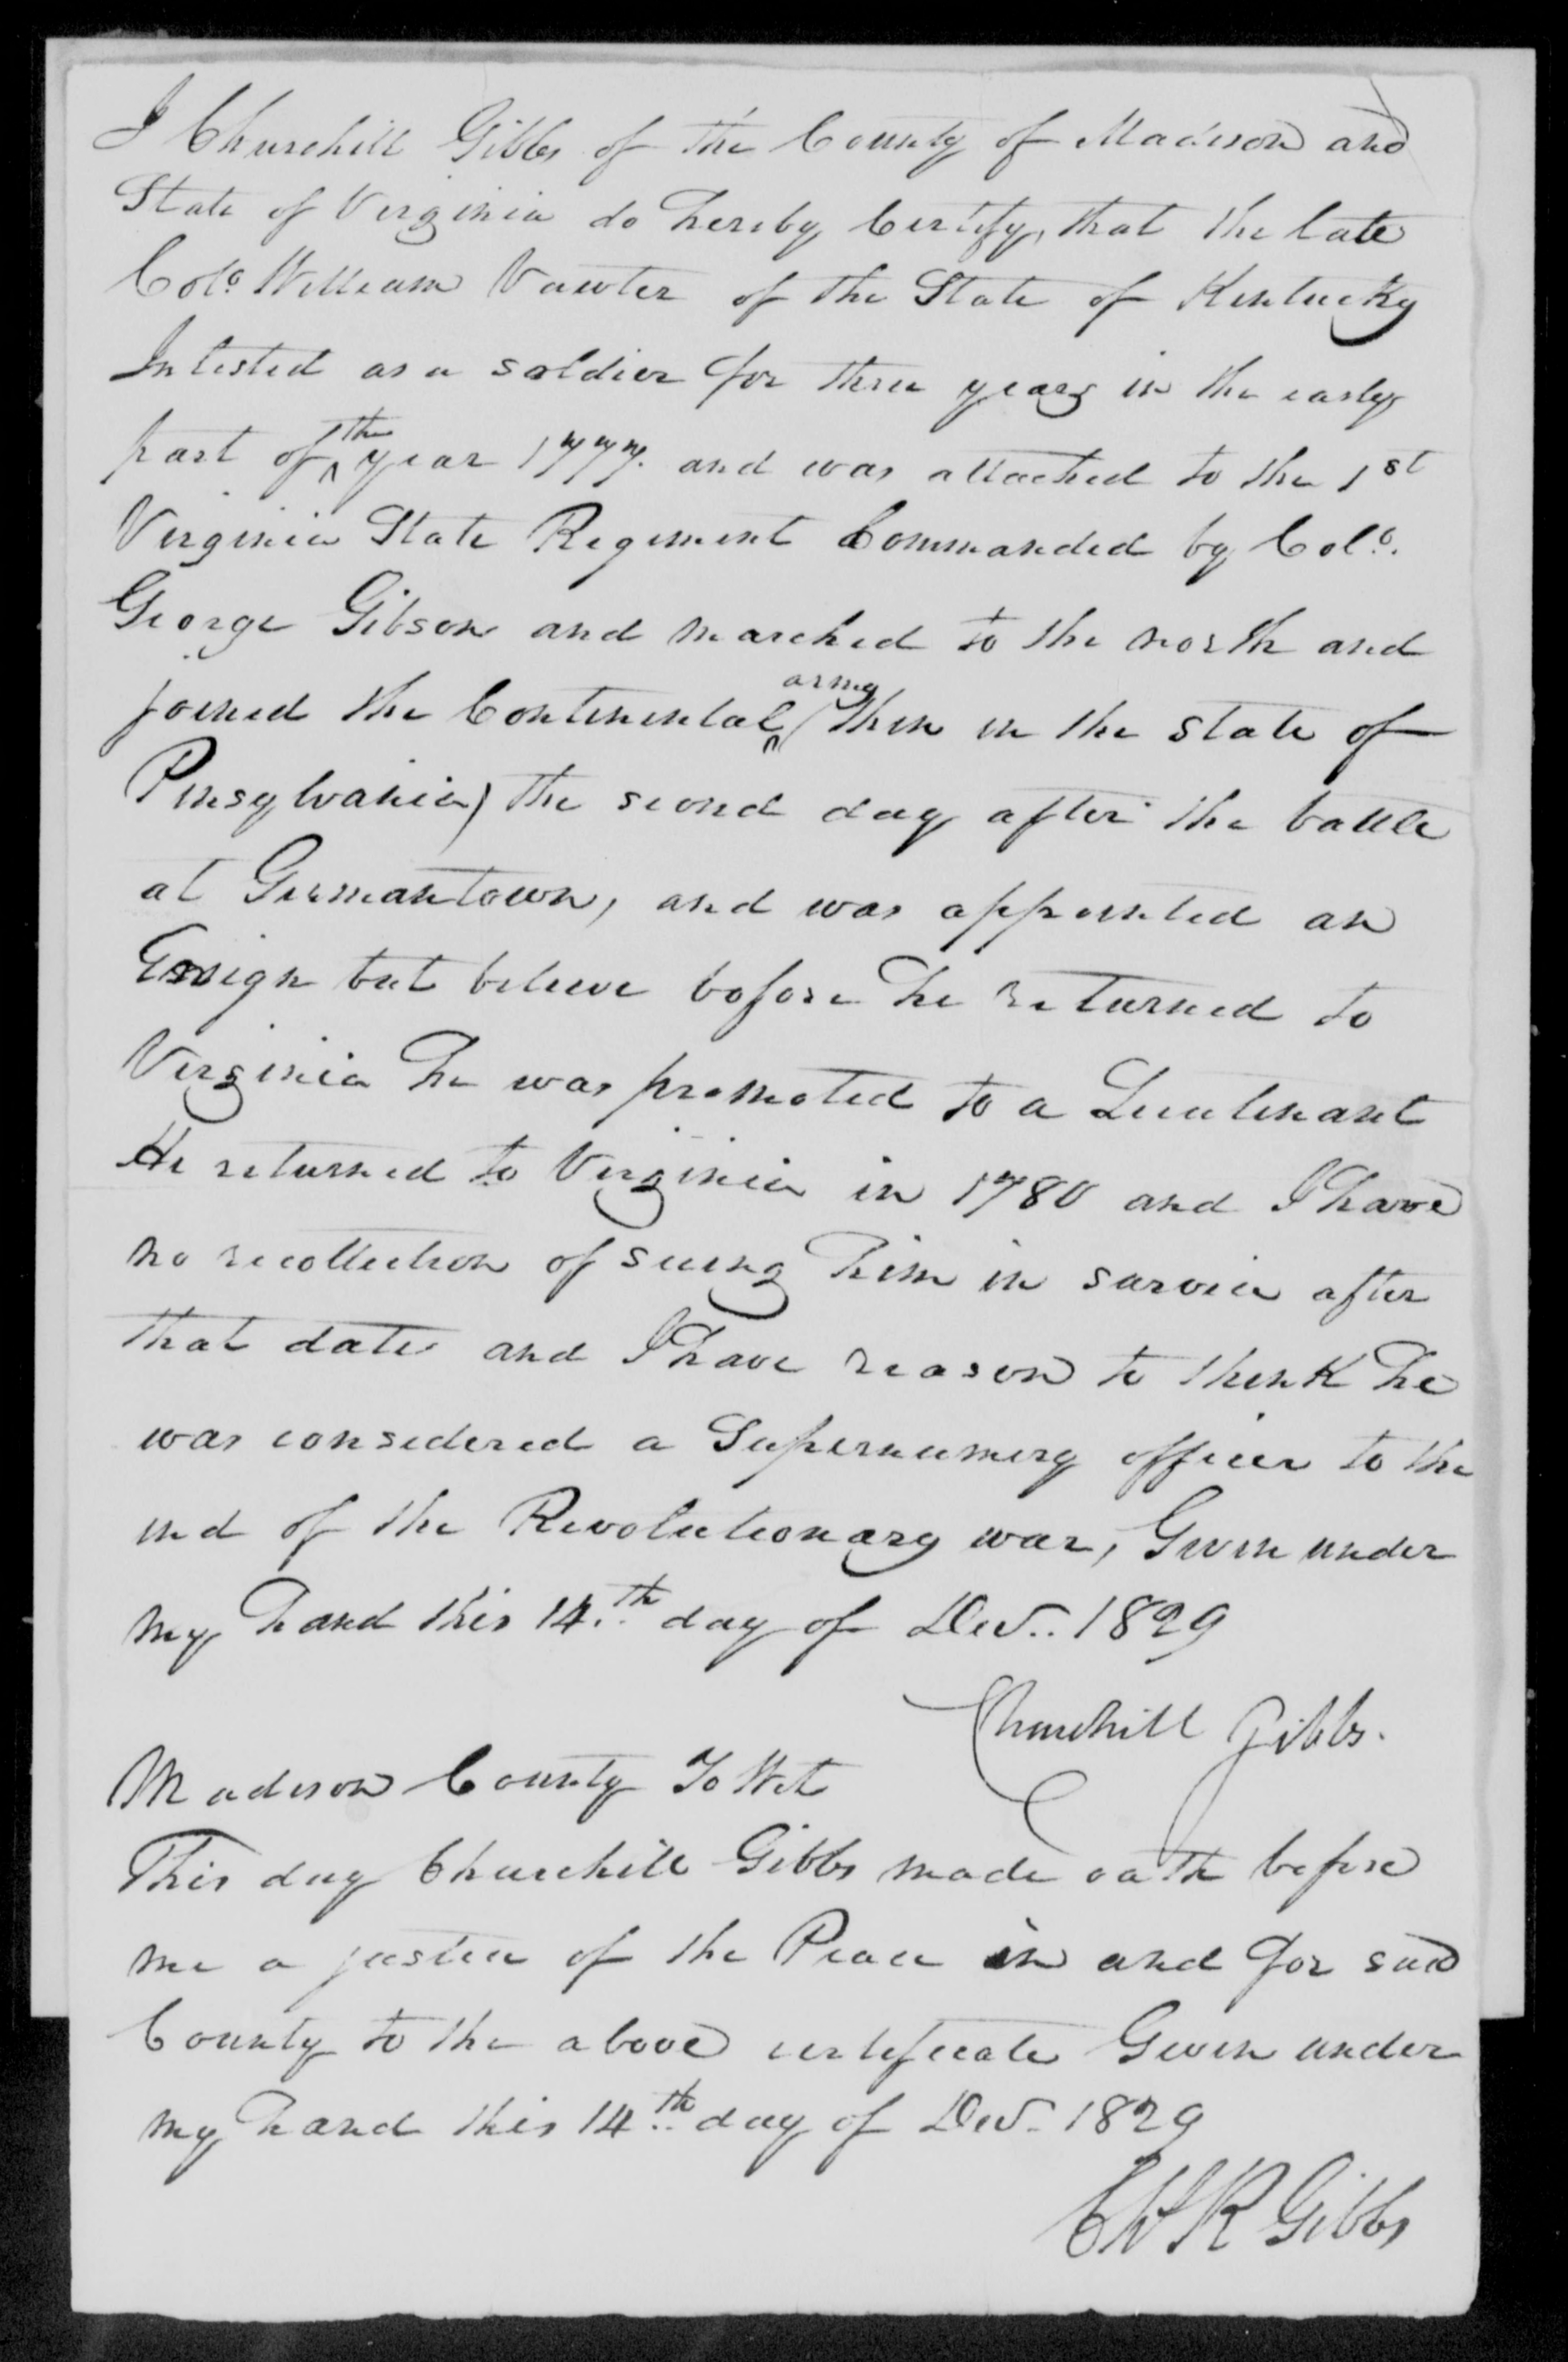I Churchill Gibbs of the County of Madison and
State of Virginia do hereby certify, that the late
Col William Vawter of the State of Kentucky
Inlisted [enlisted] as a soldier for three years in the early
part of the year 1777 and was attached to the 1st
Virginia State Regiment commanded by Col.
George Gibson and marched to the north and
joined the Continental army  then in the State of
Pensylvania [Pennsylvania], the second day after the battle
at Germantown , and was appointed an
Ensign but believe before he returned to
Virginia he was promoted to a Lieutenant
He returned to Virginia in 1780 and I have
no recollection of seeing him in service after
that date and I have reason to think he
was considered a Supernumery [Supernumerary] officer to the
and of the Revolutionary war, Given under
my hand this 14th day of Decr 1829

Churchill Gibbs

Madison County To Wit
This day Churchill Gibbs made oath before
me a Justice of the Peace in and for said
County to the above certificate Given under
my hand this 14th day of Dec 1829
Chs R Gibbs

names: Churchill Gibbs, George Gibson, Churchill Gibbs, Churchill Gibbs, William Vawter, Chs R Gibbs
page: 42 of 51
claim: rejected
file: R. 10,921, William Vawter, Va.